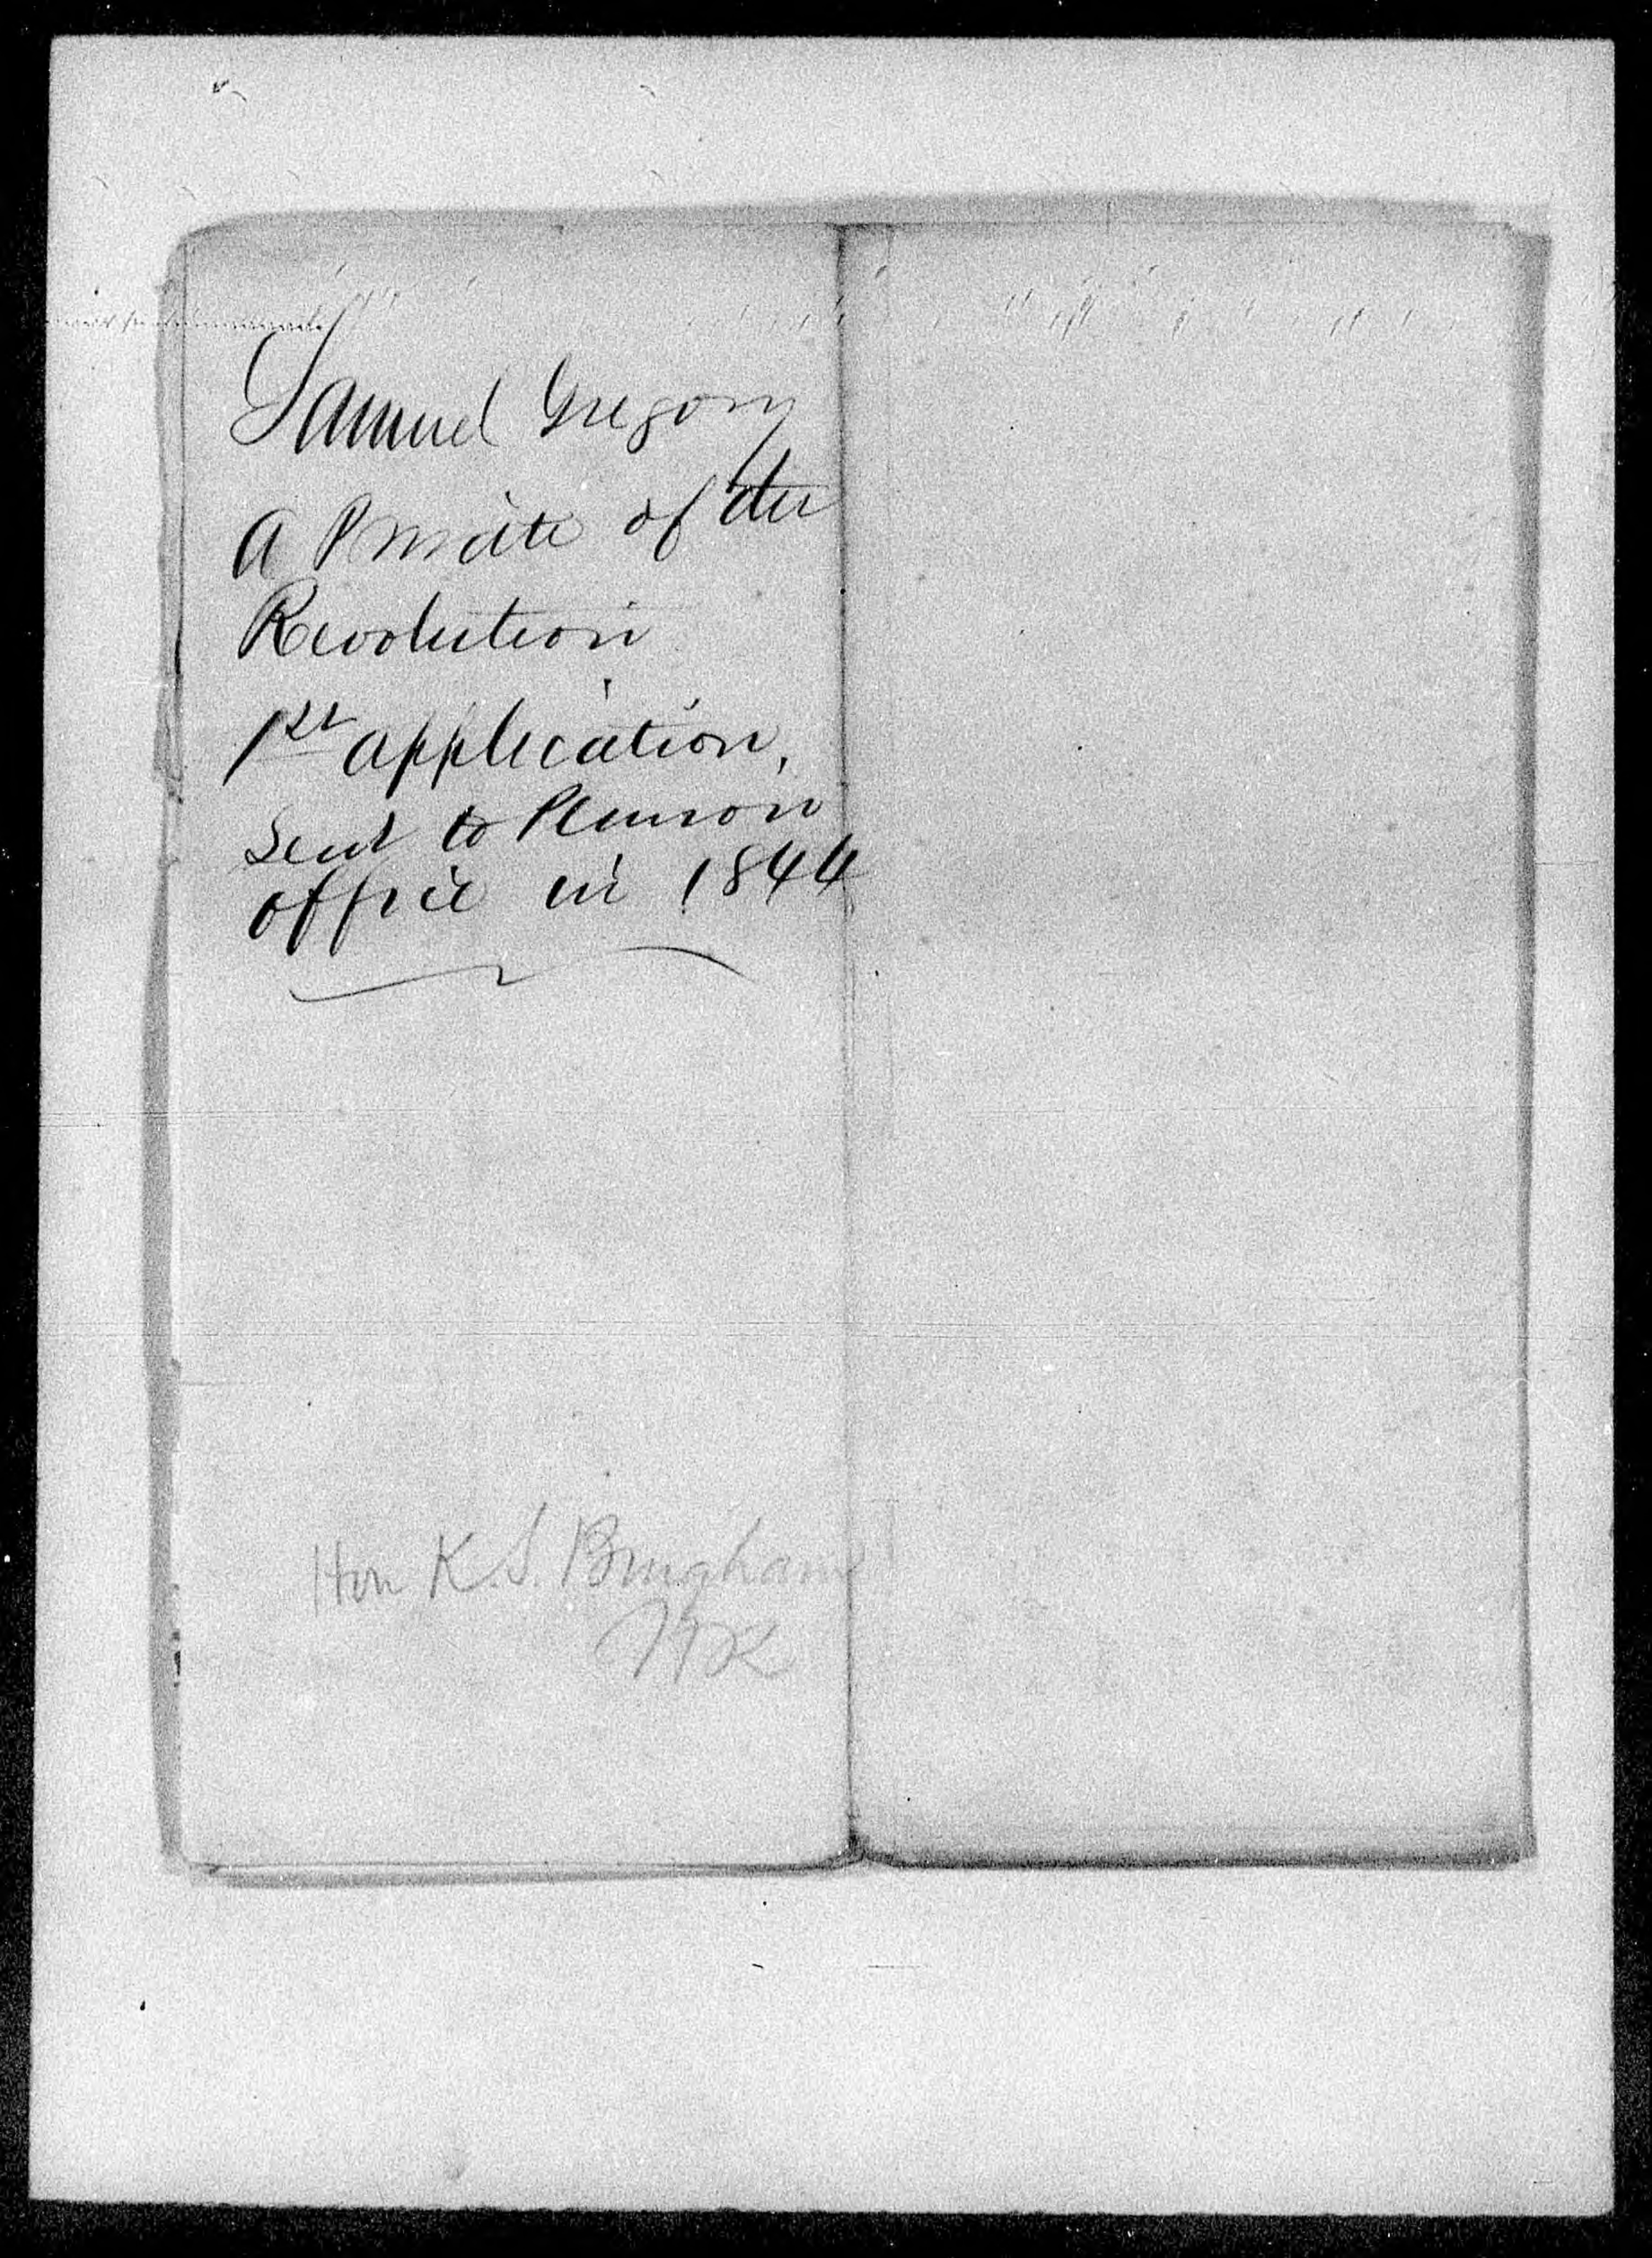Samuel Gregory
A Private of the 
Revolution
1st Application
sent to Pension
Office in 1844


Hon K.S. Bingham HR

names: K S Bingham, Samuel Gregory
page: 61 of 66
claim: rejected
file: R. 4298, Samuel Gregory, New York